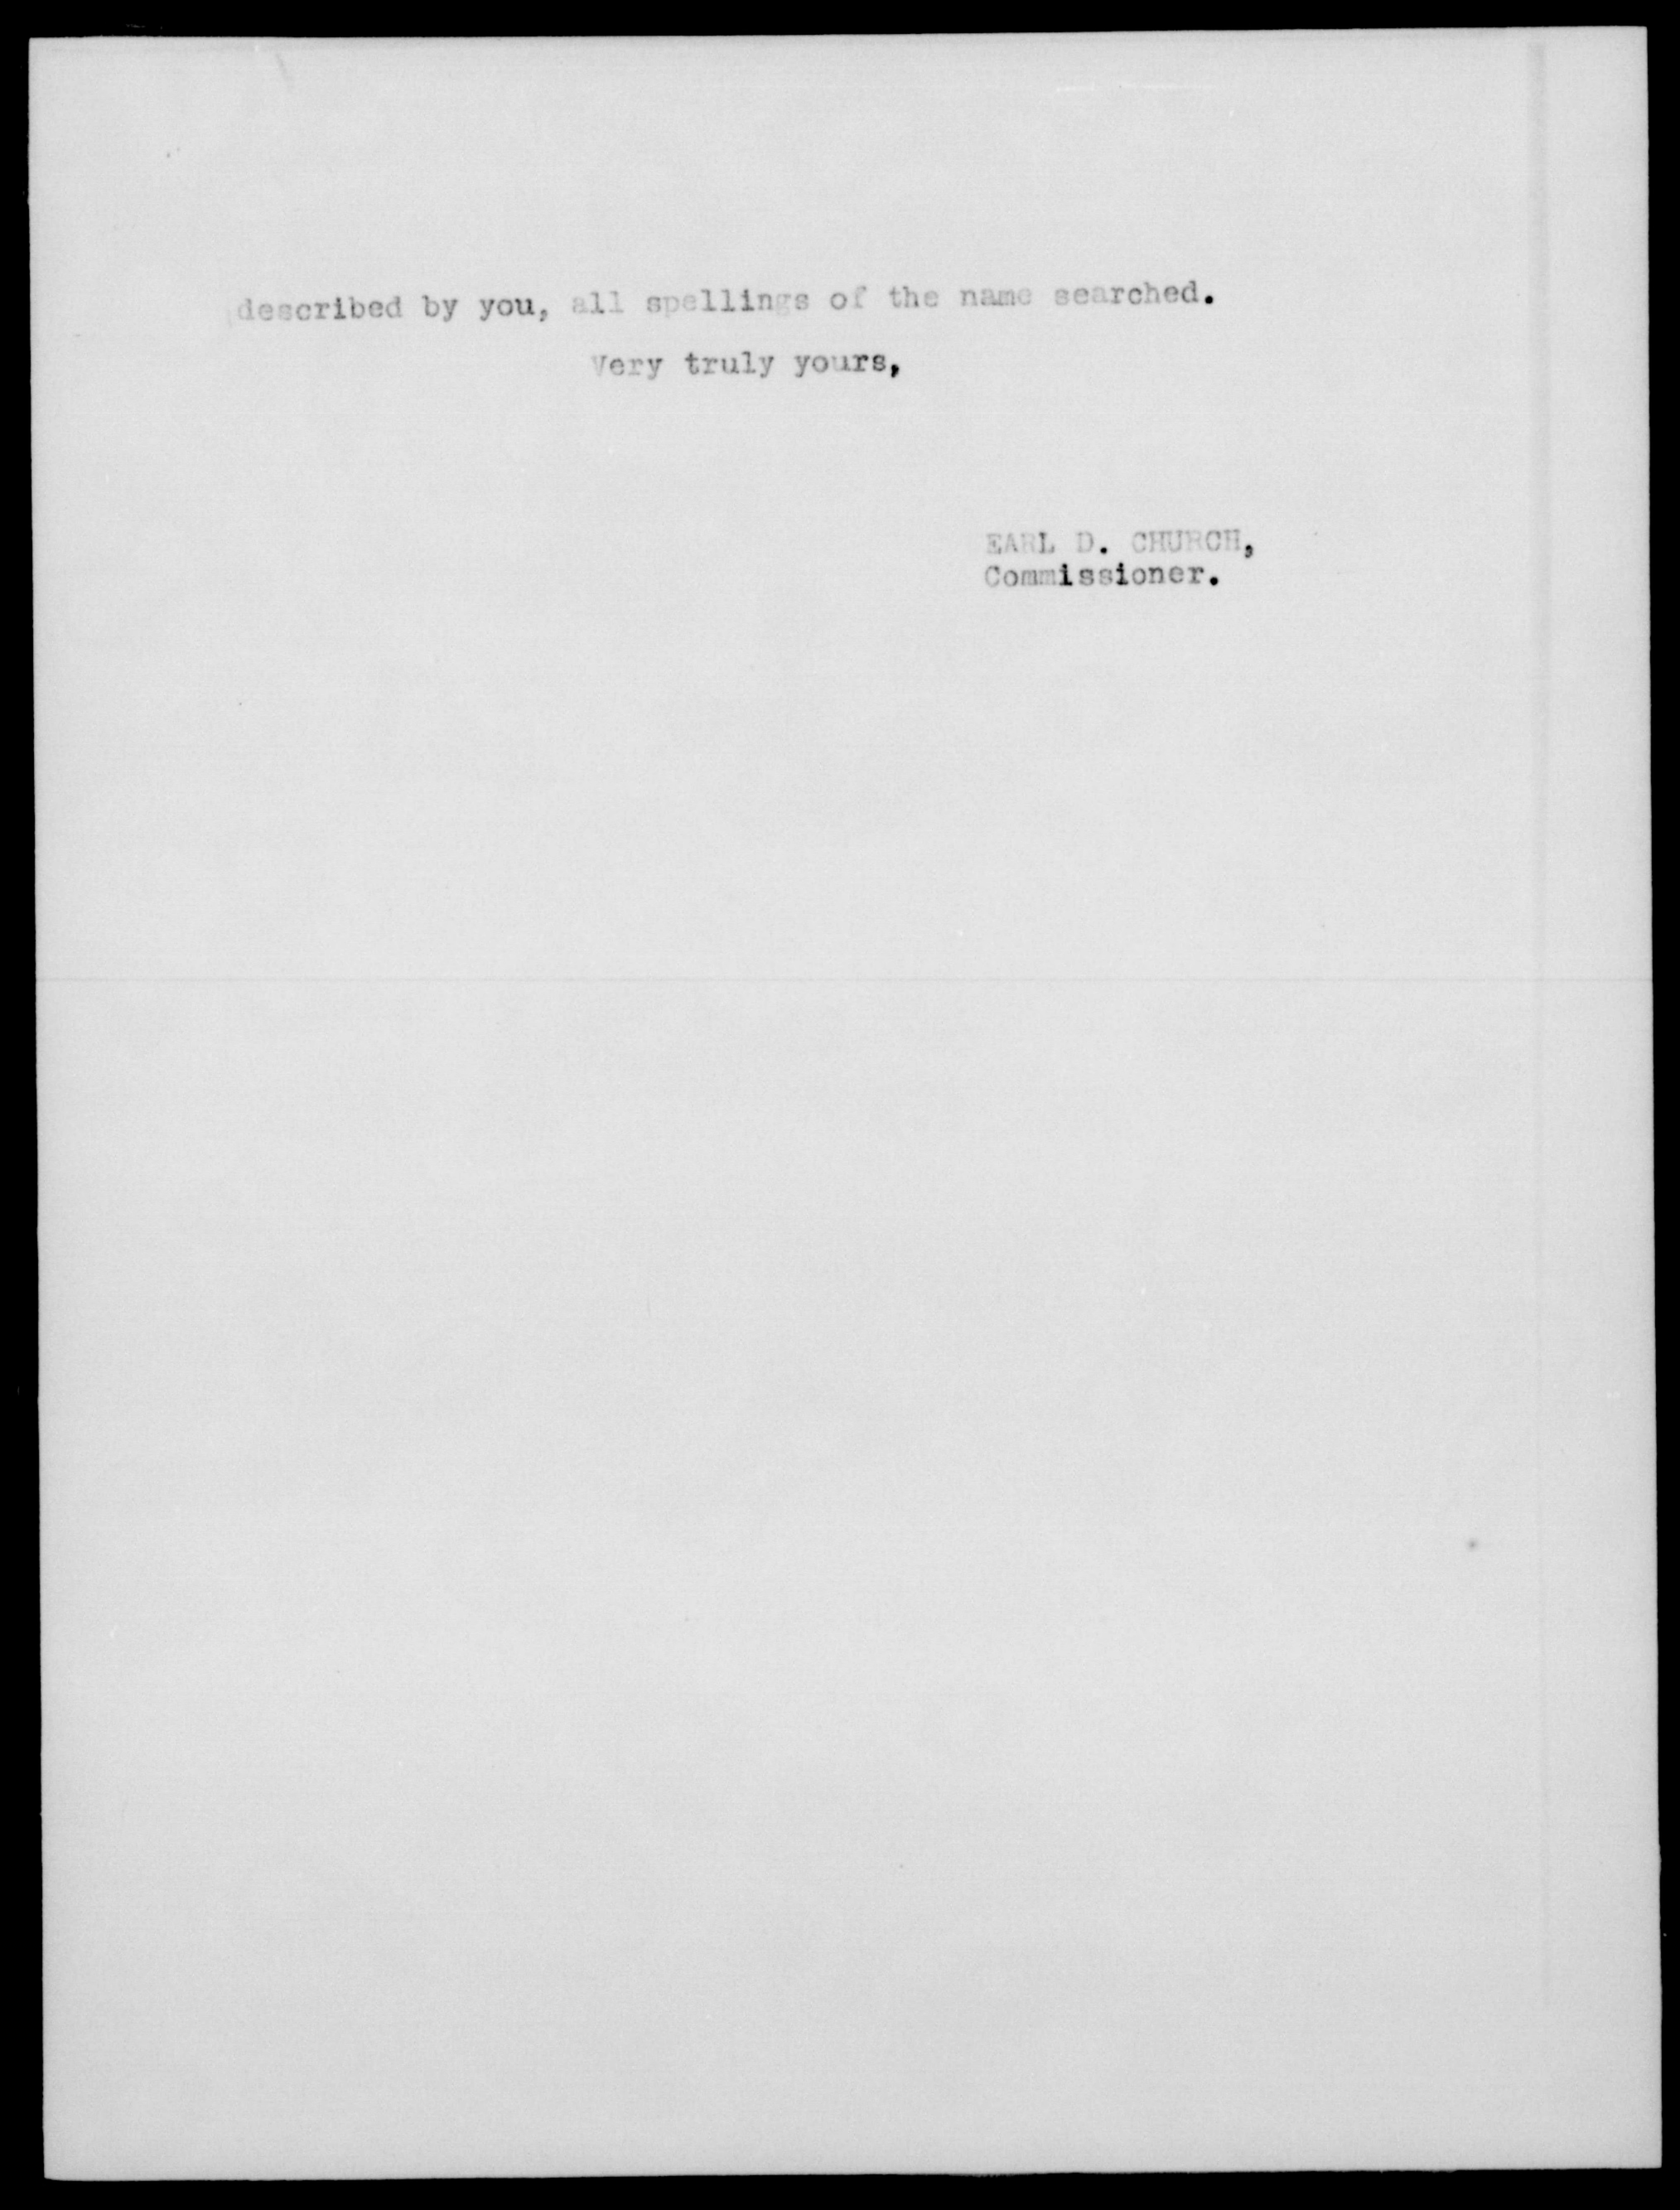described by you, all spellings of the name searched.
Very truly yours,

Earl D. Church,
Commissioner.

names: Earl D Church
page: 8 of 20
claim: survivor's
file: S 33668, for Eli Simons, Connecticut